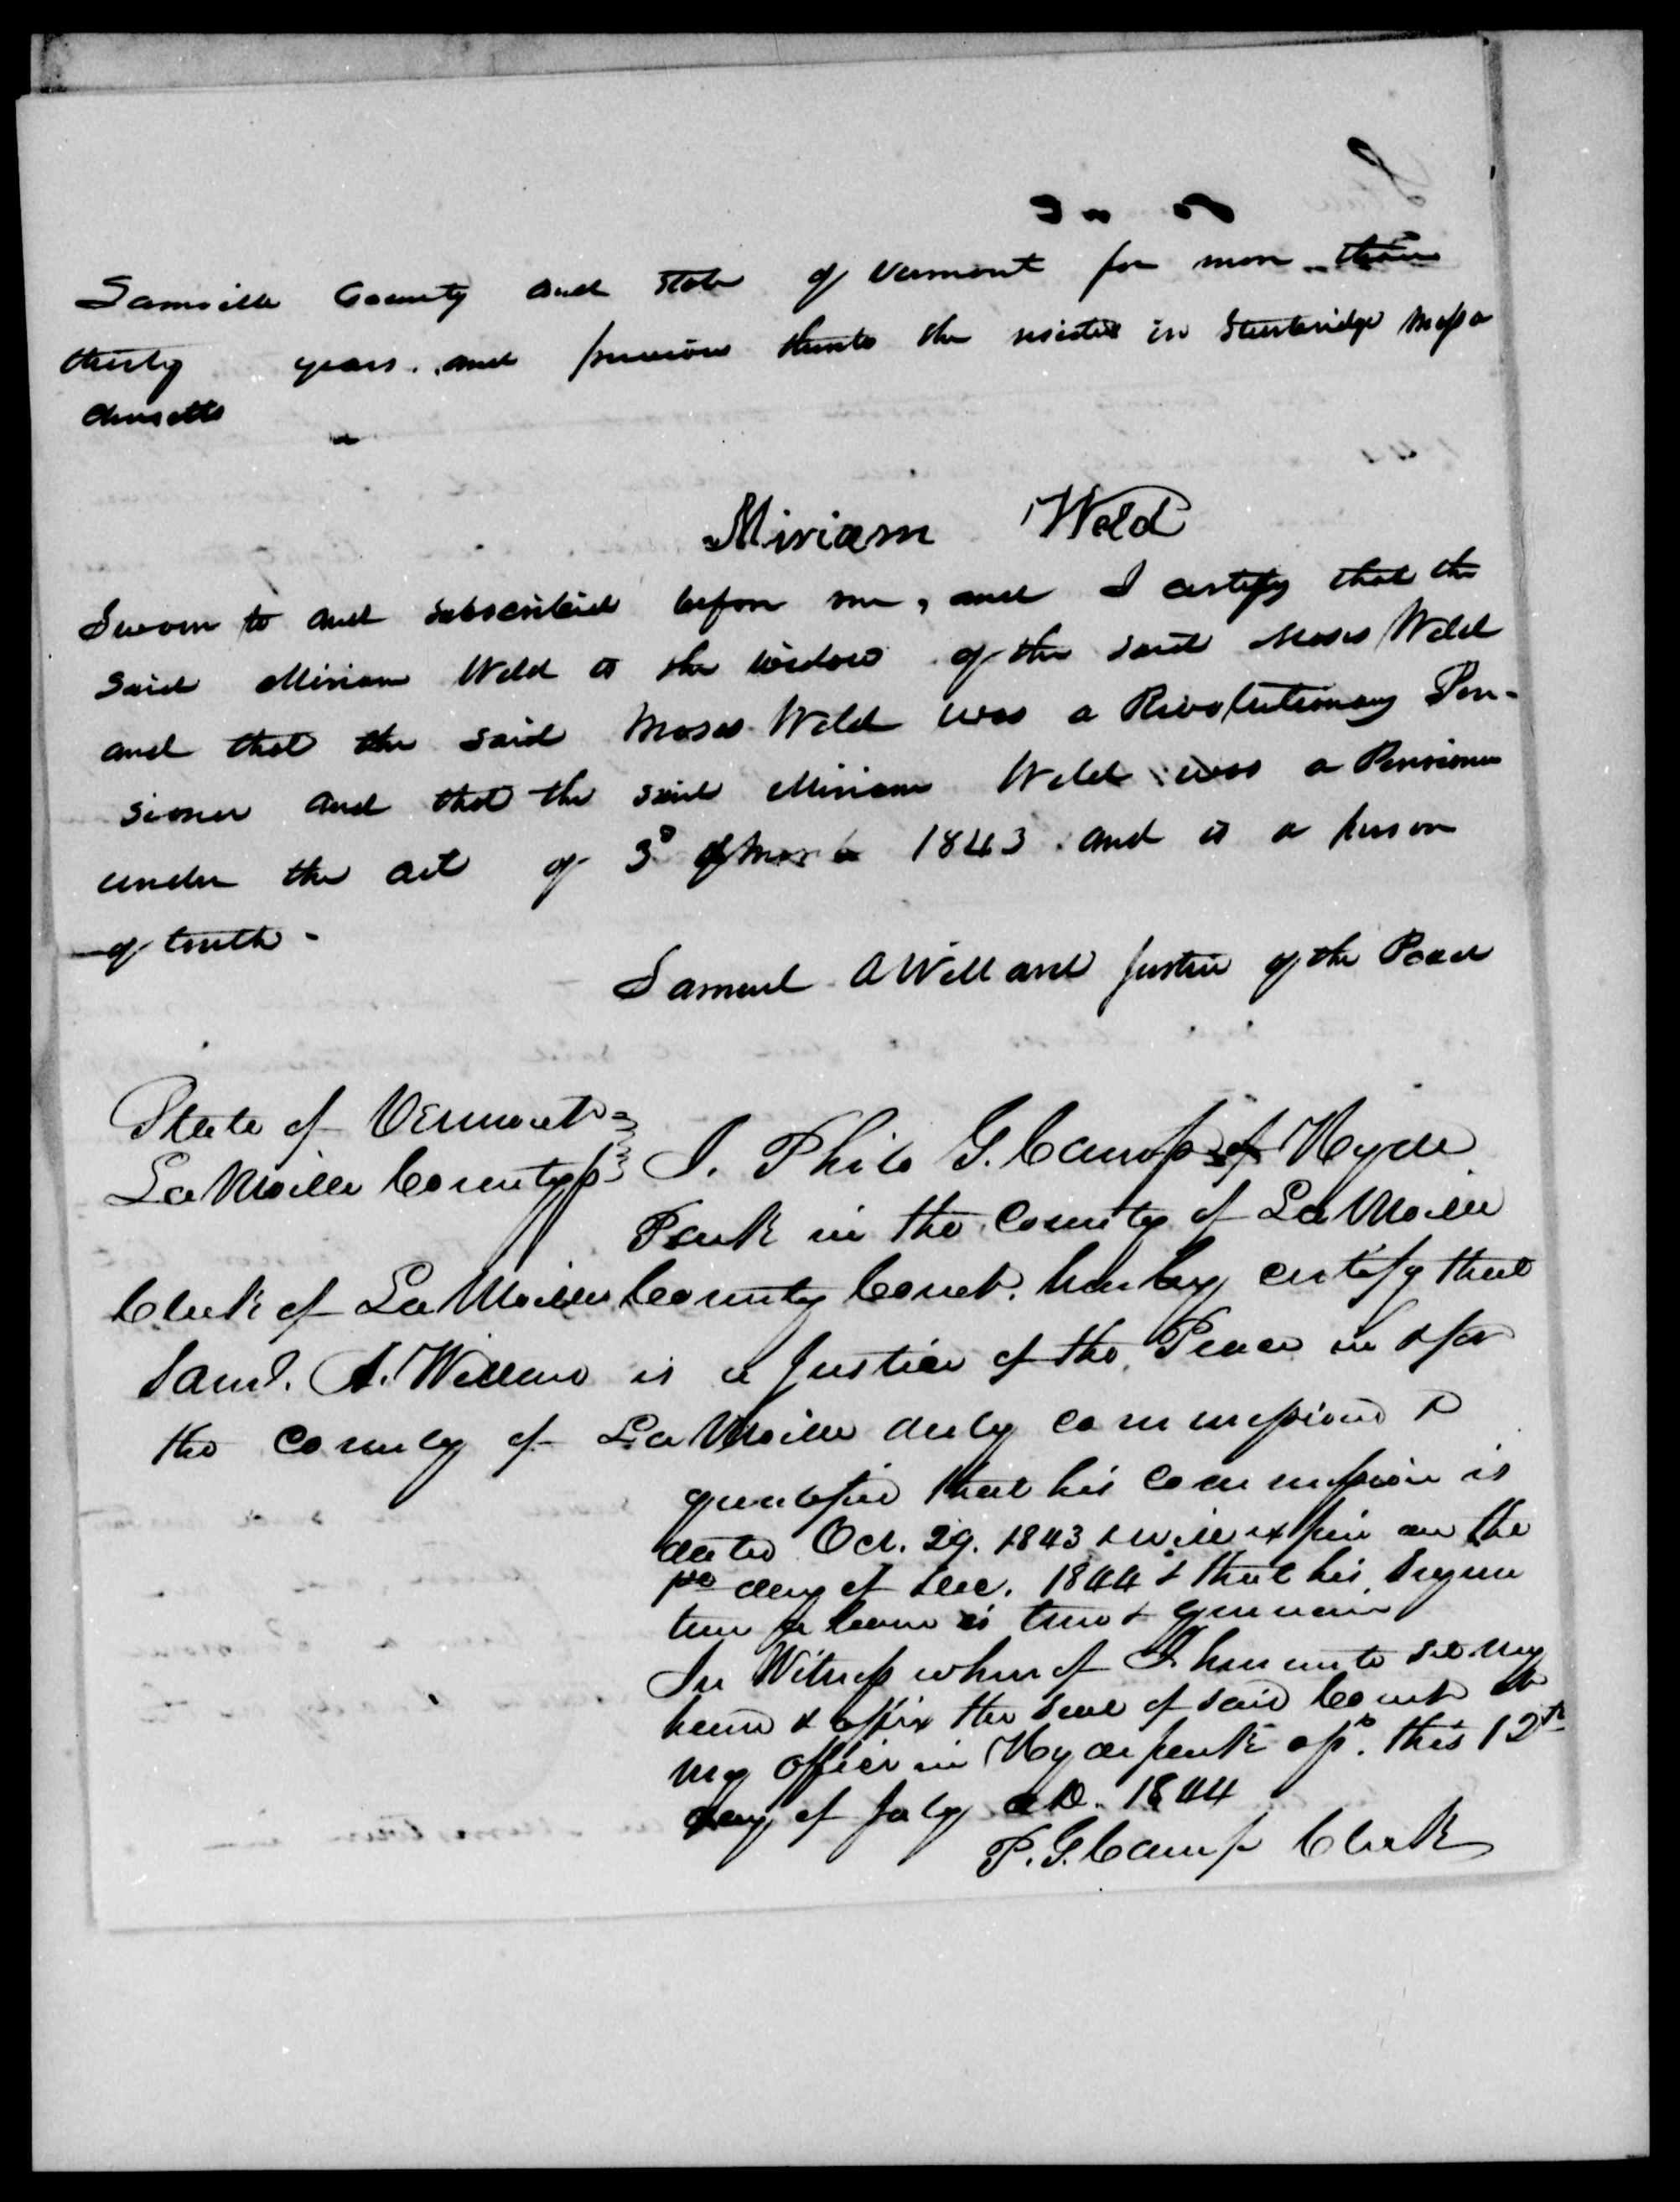Lamoille County and State of Vermont for more than thirty years and previous thinks she  resided in Sturbridge Massachusetts.
Miriam Weld
Sworn to and subscribed before me, and I certify that the said Marion Weld is the widow of the said Moses Weld and that the said Moses Weld was a Revolutionary Pensioner and that the said Miriam Weld was a Pensioner
under the act of 3d of March 1843 and is a person of truth.
Samuel A Willard Justice of the Peace
---
State of Vermont
Lamoille County
I, Phile G. Carrop of Hyde Park in the County of Lamoille, Clerk of Lamoille County Court, hereby certify that Sam'l A. Willard is a Justice of the Peace in & for the County of Lamoille duly commissioned & qualified that his commission is dated Oct 29. 1843 & will expire on the 1st day of Dec,1844 & that his signature above is true & genuine.
In Witness whereof I hereunto set my
hand & affix the seal of said Court in
my office in [Hydepark]? of this 12th
day of July A.D. 1844
P. G. Camp[Carrop?] Clerk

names: Phils G Camp, Miriam Weld, Moses Weld, Samuel A Willard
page: 67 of 87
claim: widow's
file: W. 25,966, Moses Weld, Mass.